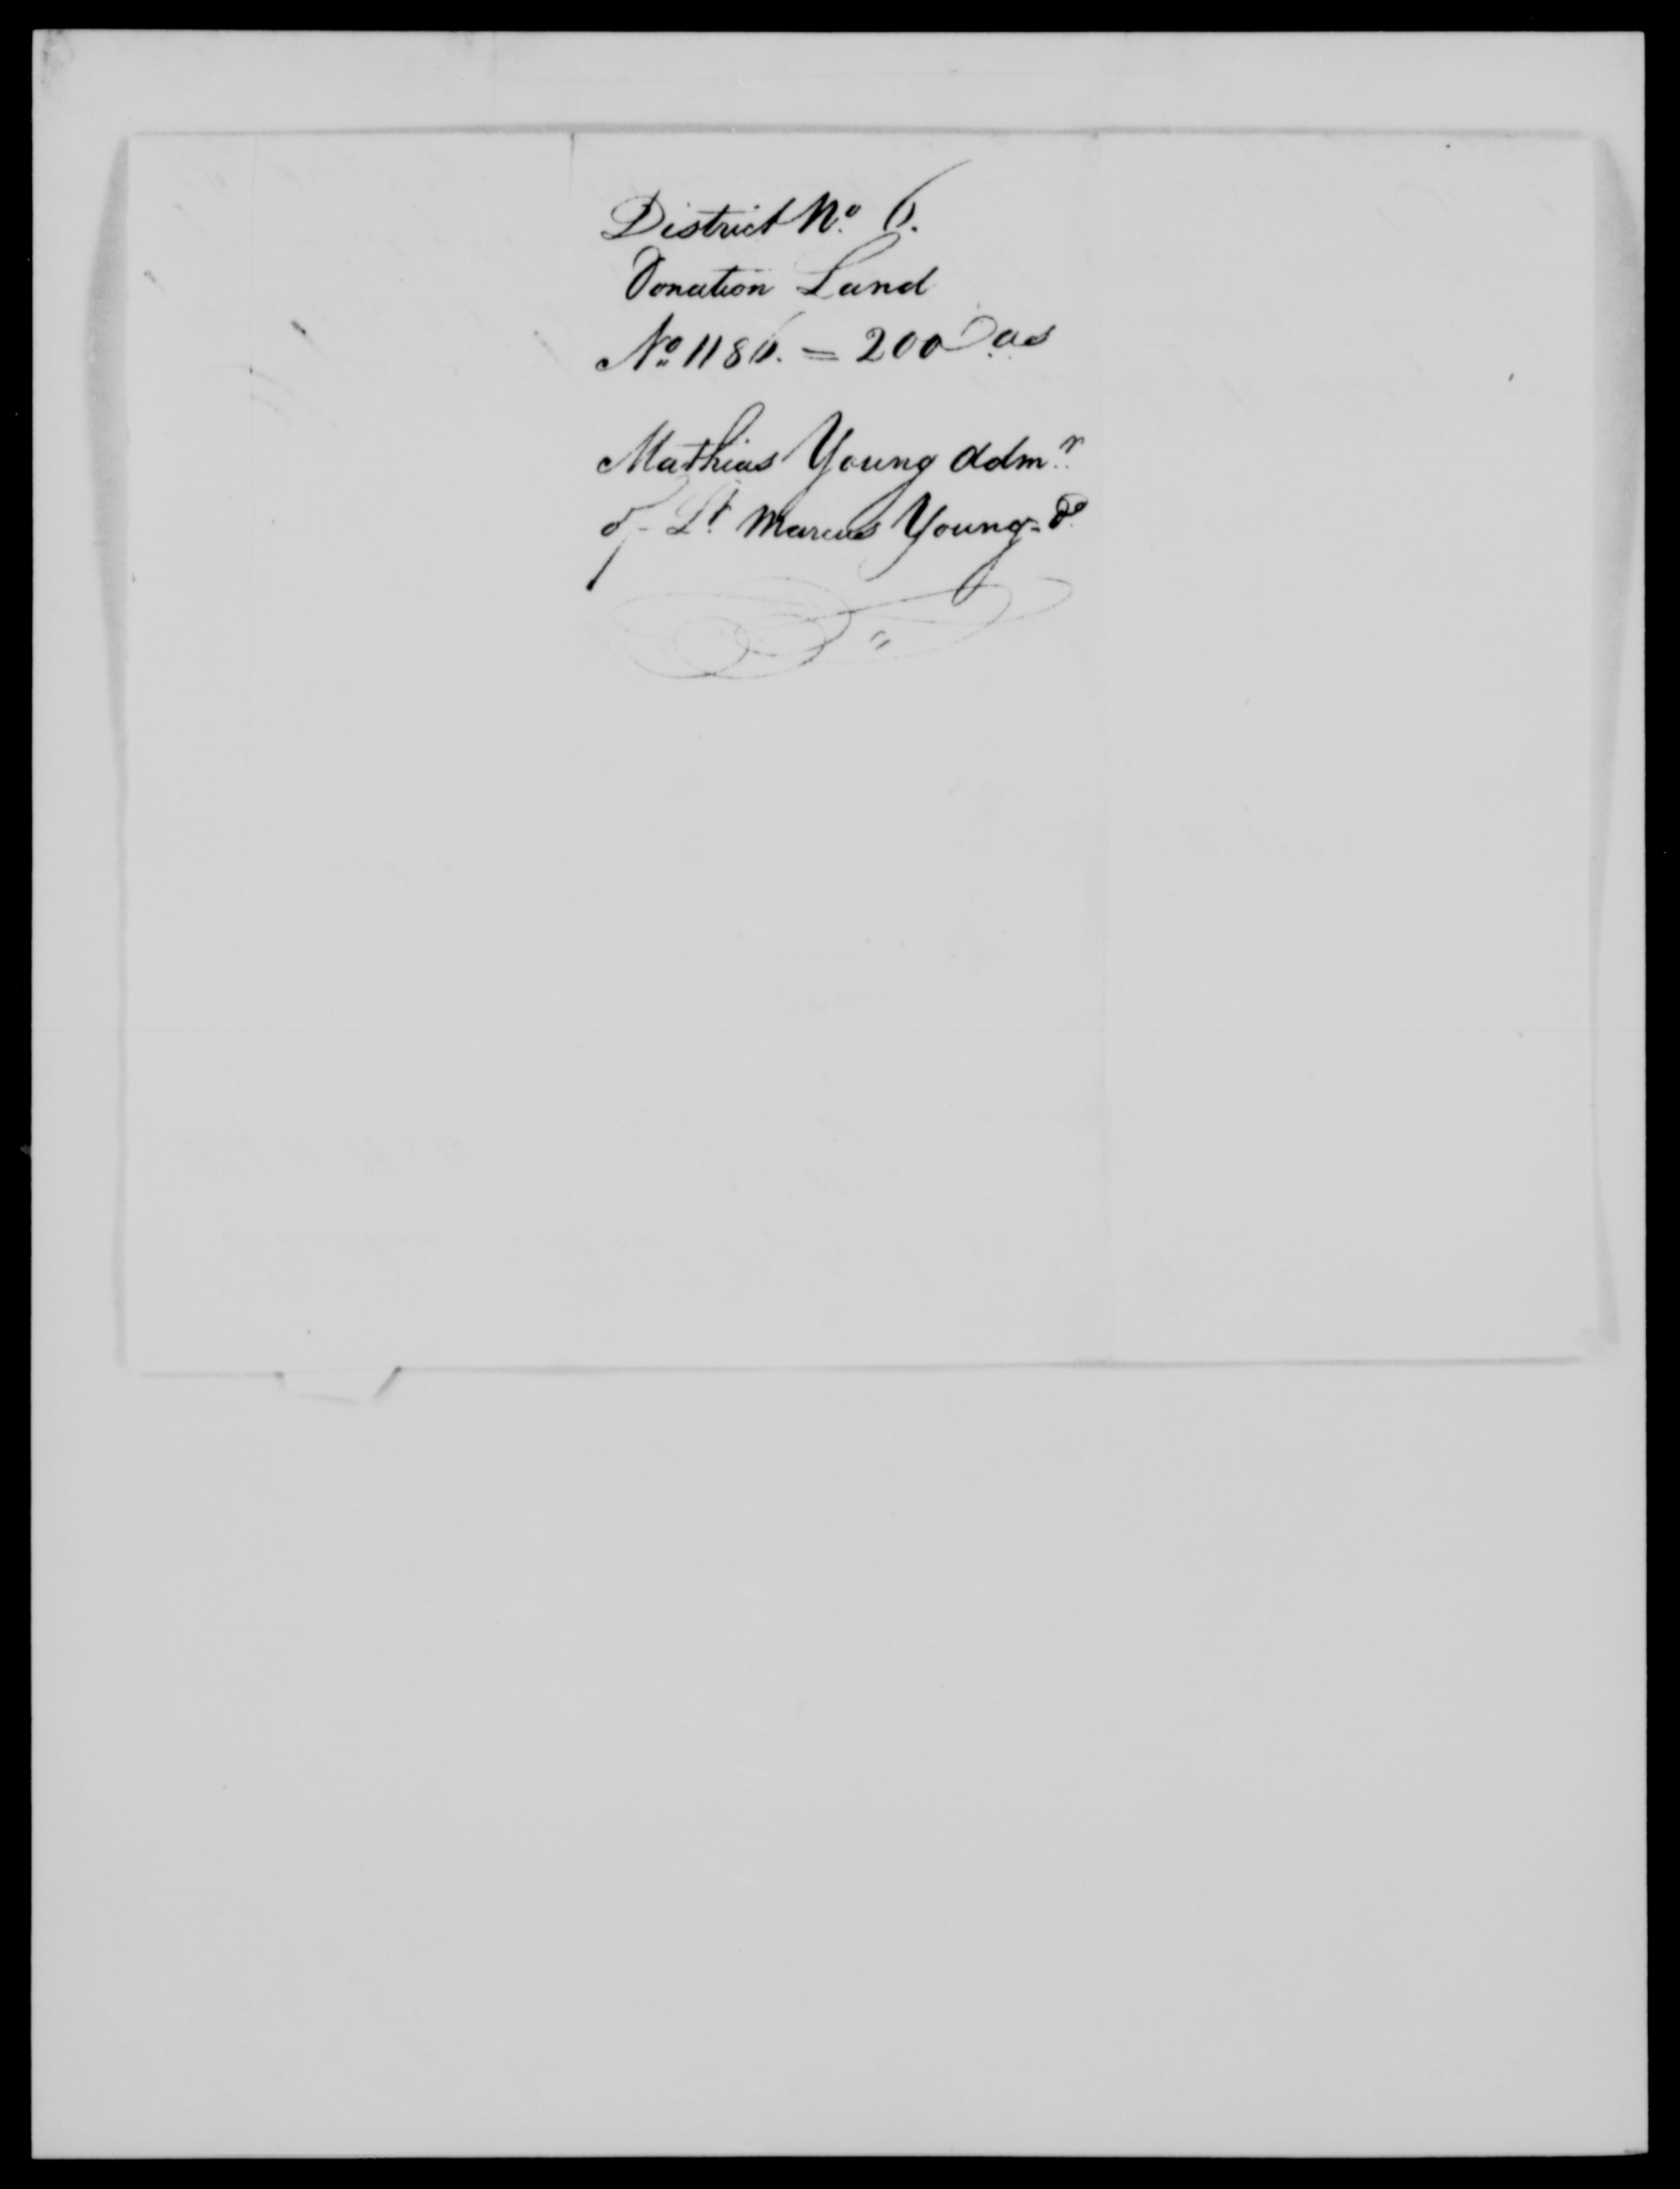District No. 6
Donation Land
No. 1186 = 200 ac
Mathias young Adm’r
of Lt. Marcus Young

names: Mathias Young, Marcus Young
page: 7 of 13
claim: bounty land warrant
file: B. L. Wt. 428-200, Marcus Young, Penn.